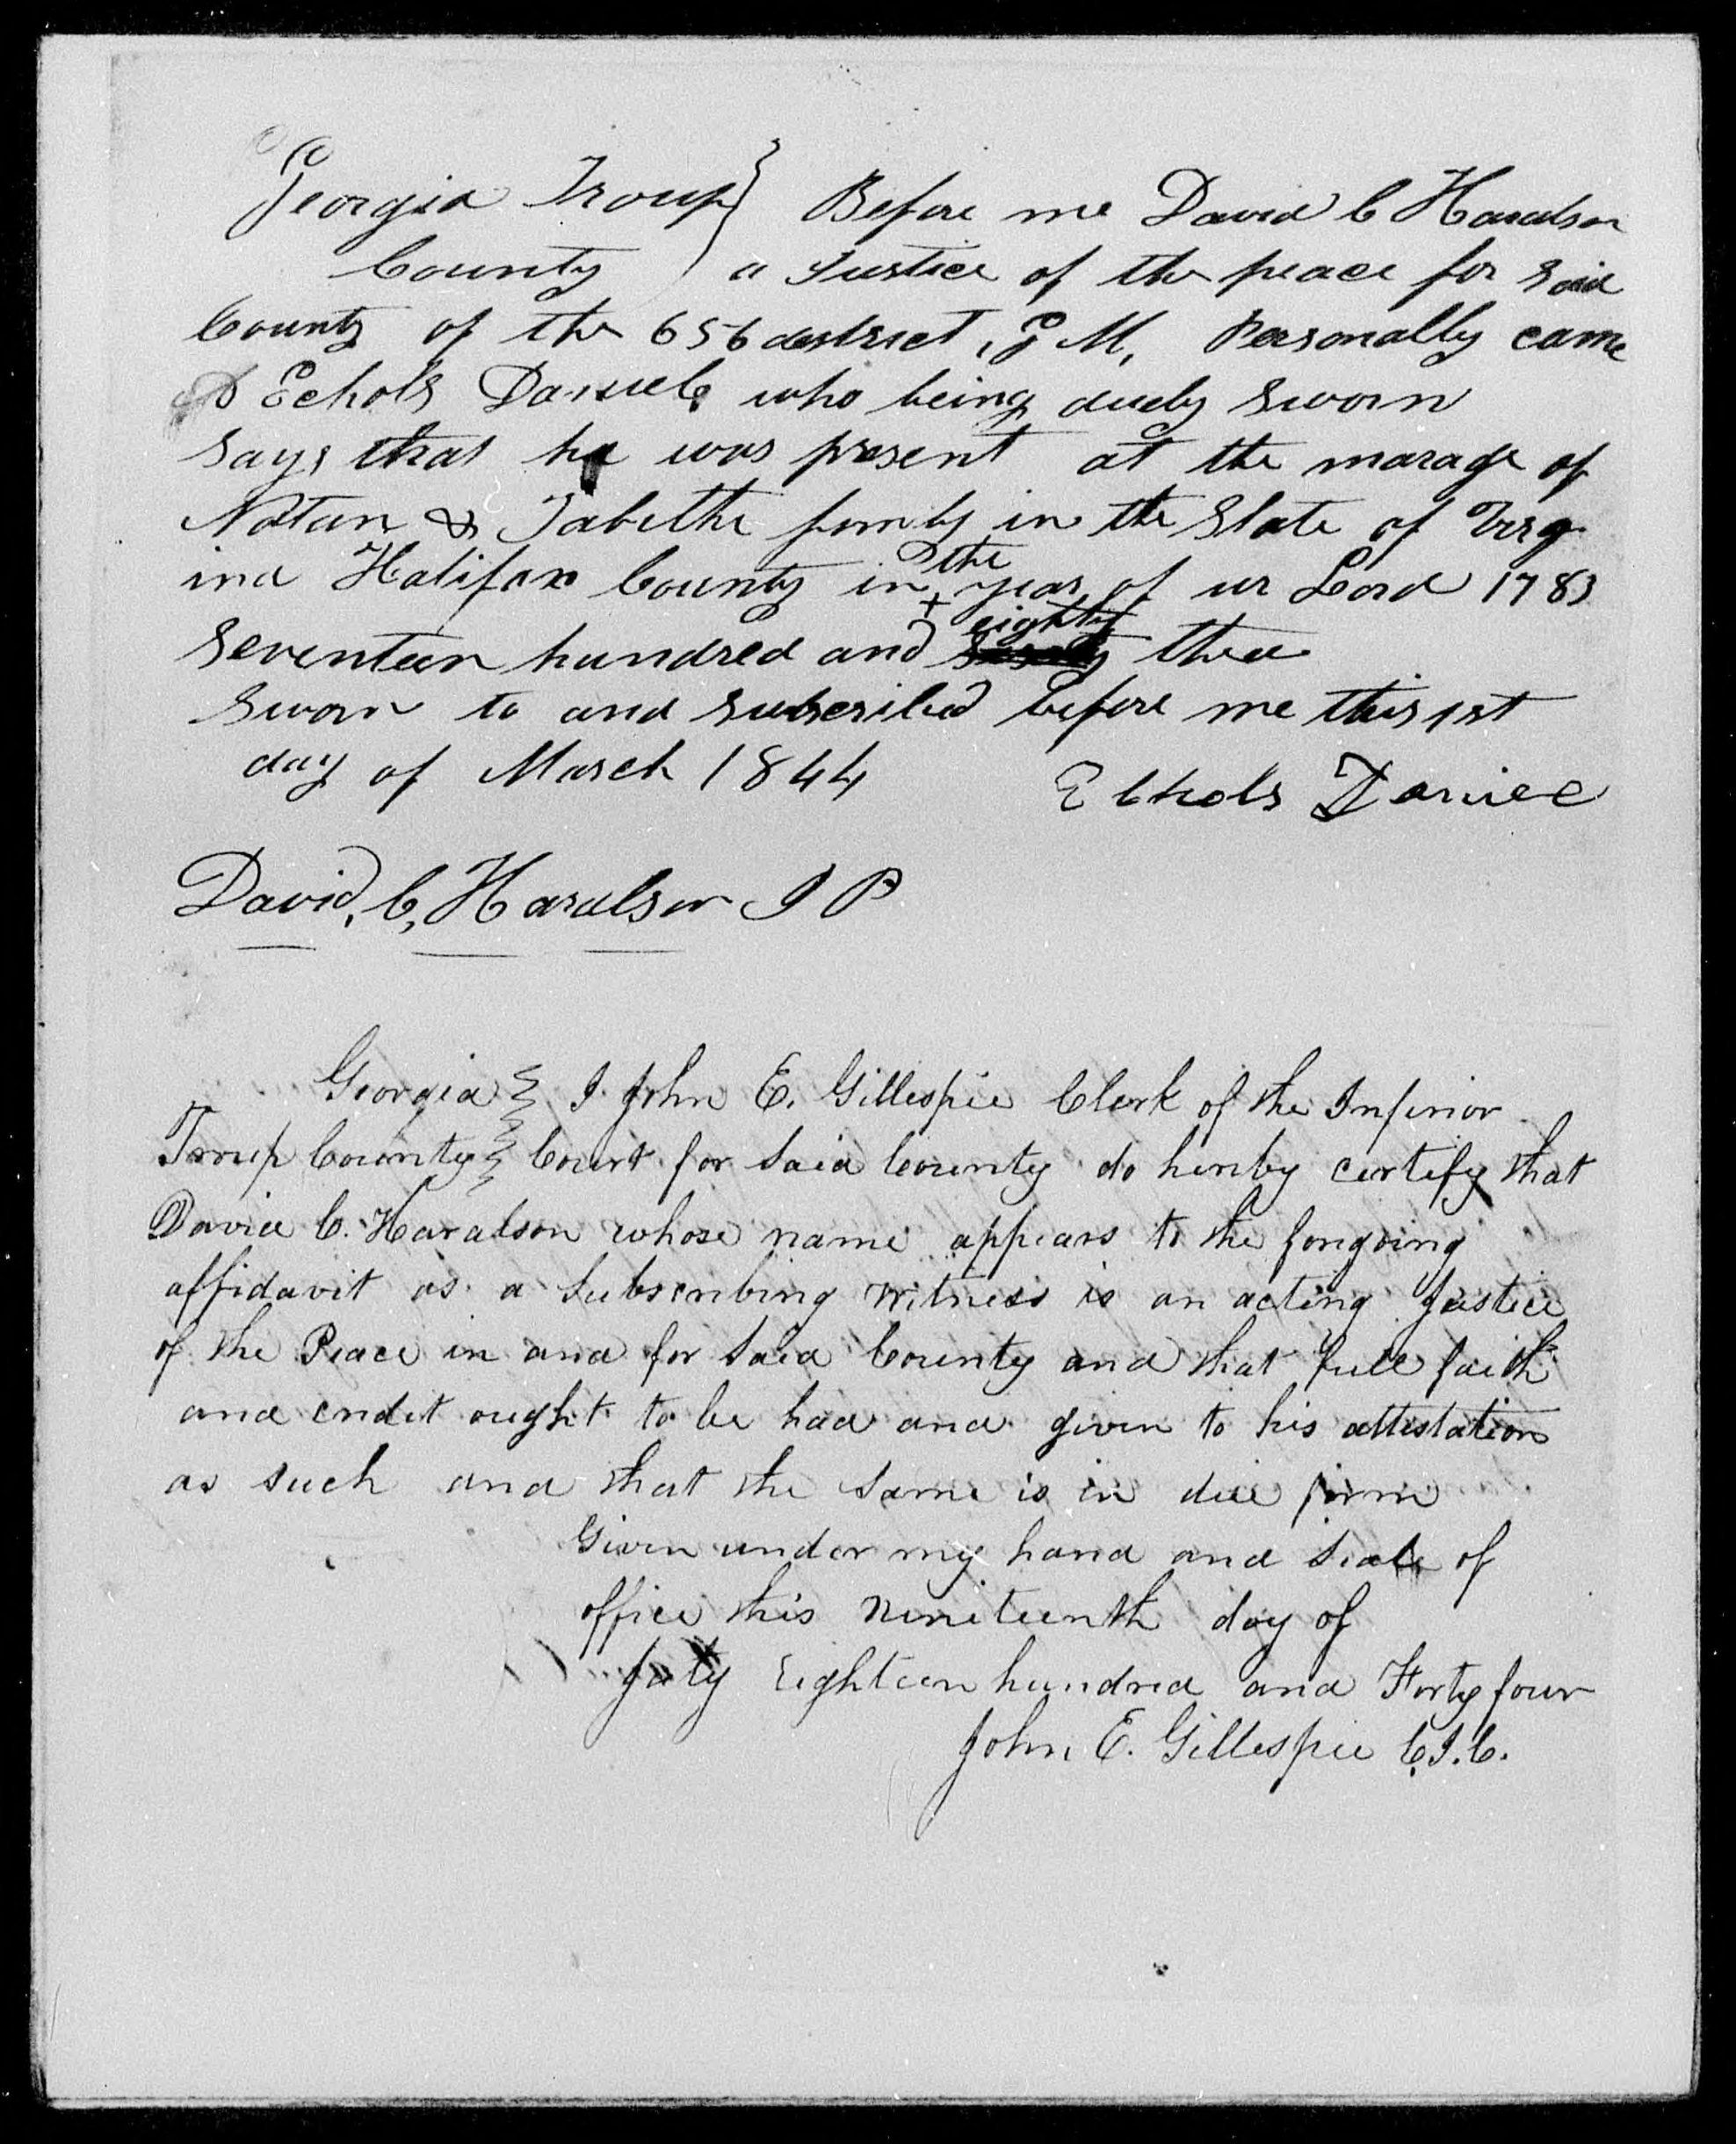Georgia Troup
County

   Before me David C Haralson a Justice of the peace for said County of the 656 district, personally came Echols Daniels who being duly sworn says that he was present at the marriage of Nathan & Tabitha Formby in the State of Virigina Halifax County in the year of our Lord 1783 Seventeen hundred and eighty three.

   Sworn to and subscribed before me this 1st day of March 1844
   Echols Daniel
David, C. Haralson J P

Georgia
Troup County
     John E. Gillespie Clerk of the Inferior Court for said County do hereby certify that David C. Haralson whose name appears to the foregoing affidavit as a subscribing witness is an acting Justice of the Peace in and for said County and that full faith and credit ought to be had and given to his attestation as such and that the same is in due form.

   Given under my hand and seal of office this nineteenth day of July eighteen hundred and forty four.
   John E. Gillespie, C.J.C.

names: Tabithe Fomby, John E Gillespie, David C Haralson, Echols Daniel, Echols Daniel, John E Gillespie, David C Haralson, David C Haralson, Notan Fomby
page: 42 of 54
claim: widow's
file: W. 3794, Nathan Formby, Va.